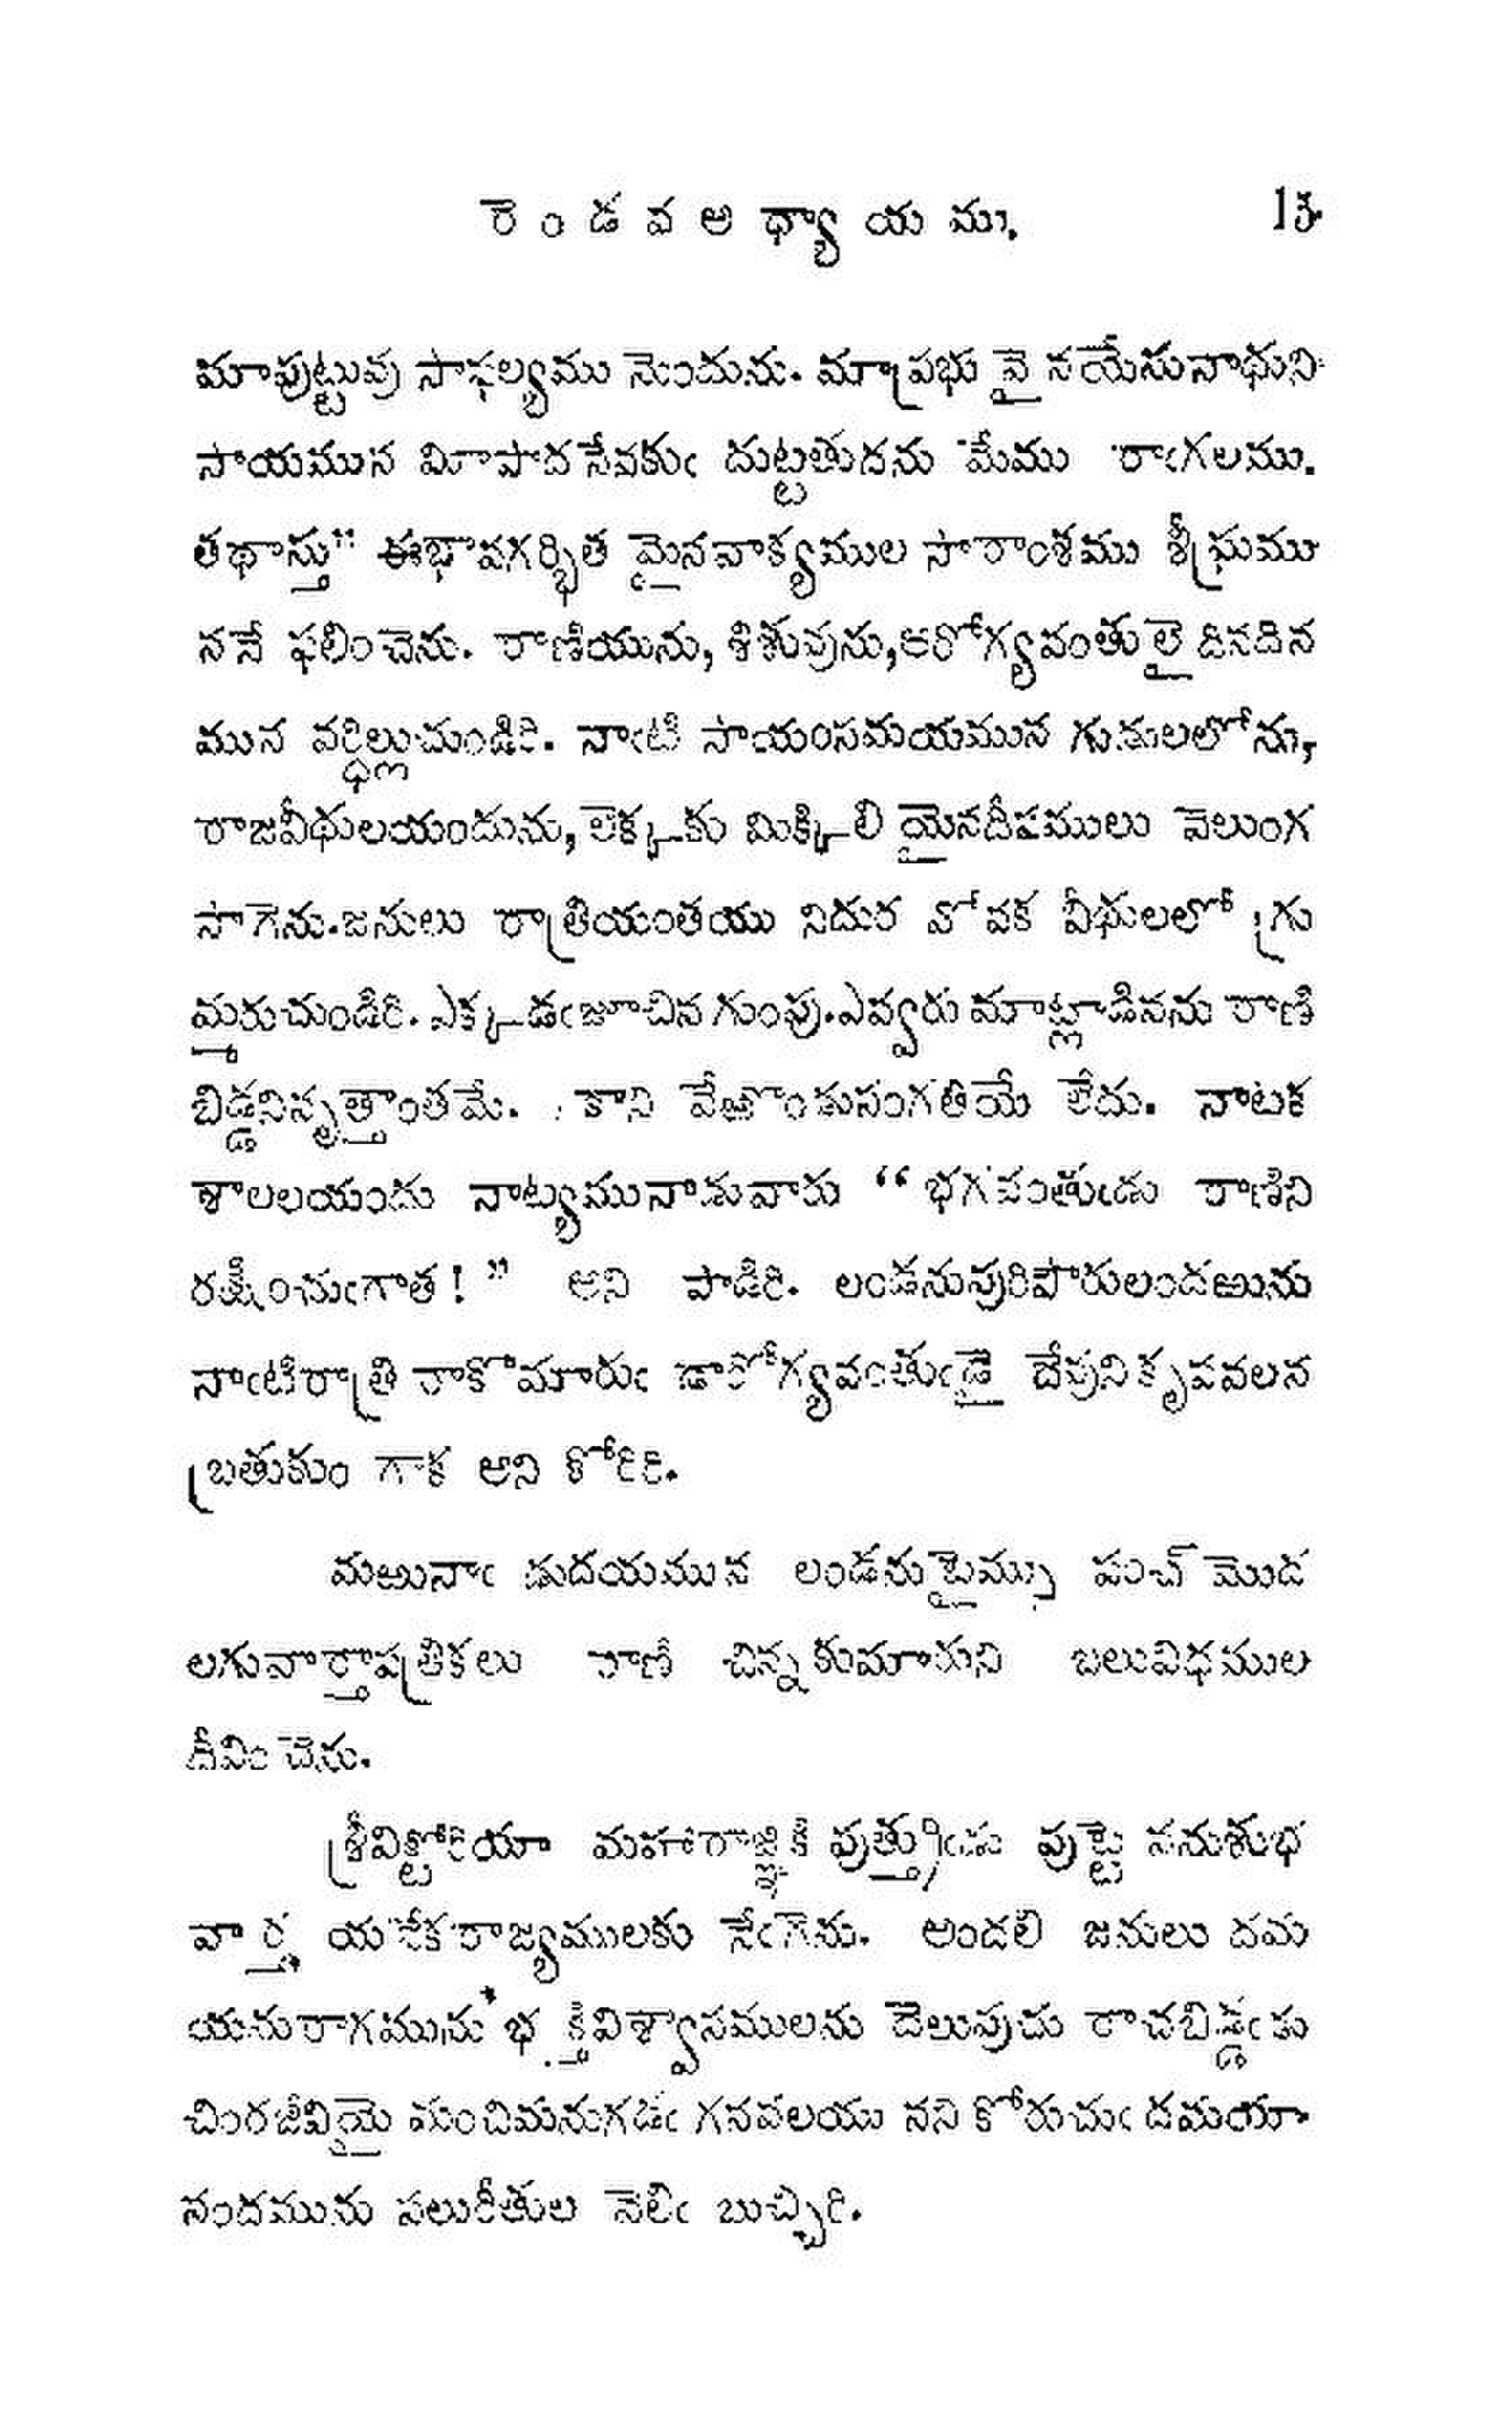మాపుట్టువు సాఫల్యము మొందును. మాప్రభు వైనయేసునాధుని సాయమున మీ పొద సేవకుఁ దుట్టతుదను "మేము 'రాఁగలము.తథాస్తు" ఈ భాషగర్భిత మైన వాక్యముల సారాంశము శీఘ్రము
సనే ఫలించెను.రాణీయును, శిశువును, ఆరోగ్యవంతు లై దినదినమున వర్ధిల్లుతుంది. నాటి సాయంసమయమున గుడులలోను,రాజవీథులయందును, లెక్కకు మిక్కిలి యైనదీషములు వెలుంగ సాగెను.జనులు " రాత్రియంతయు నిదుర నోవక వీధులలో గ్రుమ్మరుచుండిరి. ఎక్కడ జూచిన గుంపు.ఎవ్వరు మాట్లాడినను రాణిబిడ్డనివృత్తాంతమే. . కాని వేఱొంసంగతియే లేదు. నాటక
శాలలయుదు నాట్యమునా డువారు " భగవతుడు రాణినిరక్షించుఁగాత ! " అని పొడిరి. లండను పురిపౌరులందఱును నాటీ రాత్రి నాకోమారుడారోగ్యవంతుడై దేవుని కృపవలన
బ్రతుకుం గాక అని కోరిరి.

మజునాఁ డుదయమున లండను టైము పంచ్ మొదలగు వార్తాపత్రికలు వాణీ చిన్న కుమారుని బలువిధముల దీవించెను.

శ్రీ విక్టోరియా మహారాజ్ఞ కి పుత్రులను పుట్టే సనుశుభవార్త యనేక రాజ్యములకు నేగెను. అందలి జనులు దమ యనురాగమును భ క్తి విశ్వాసములను దెలుపుచు రాచబిడ్డడు చింరంజీవి యై మంచిమనుగఁడ గనవలయు నని కోరుచుఁ దమయాసందమును పలురీతుల వెలి బుచ్చిరి.